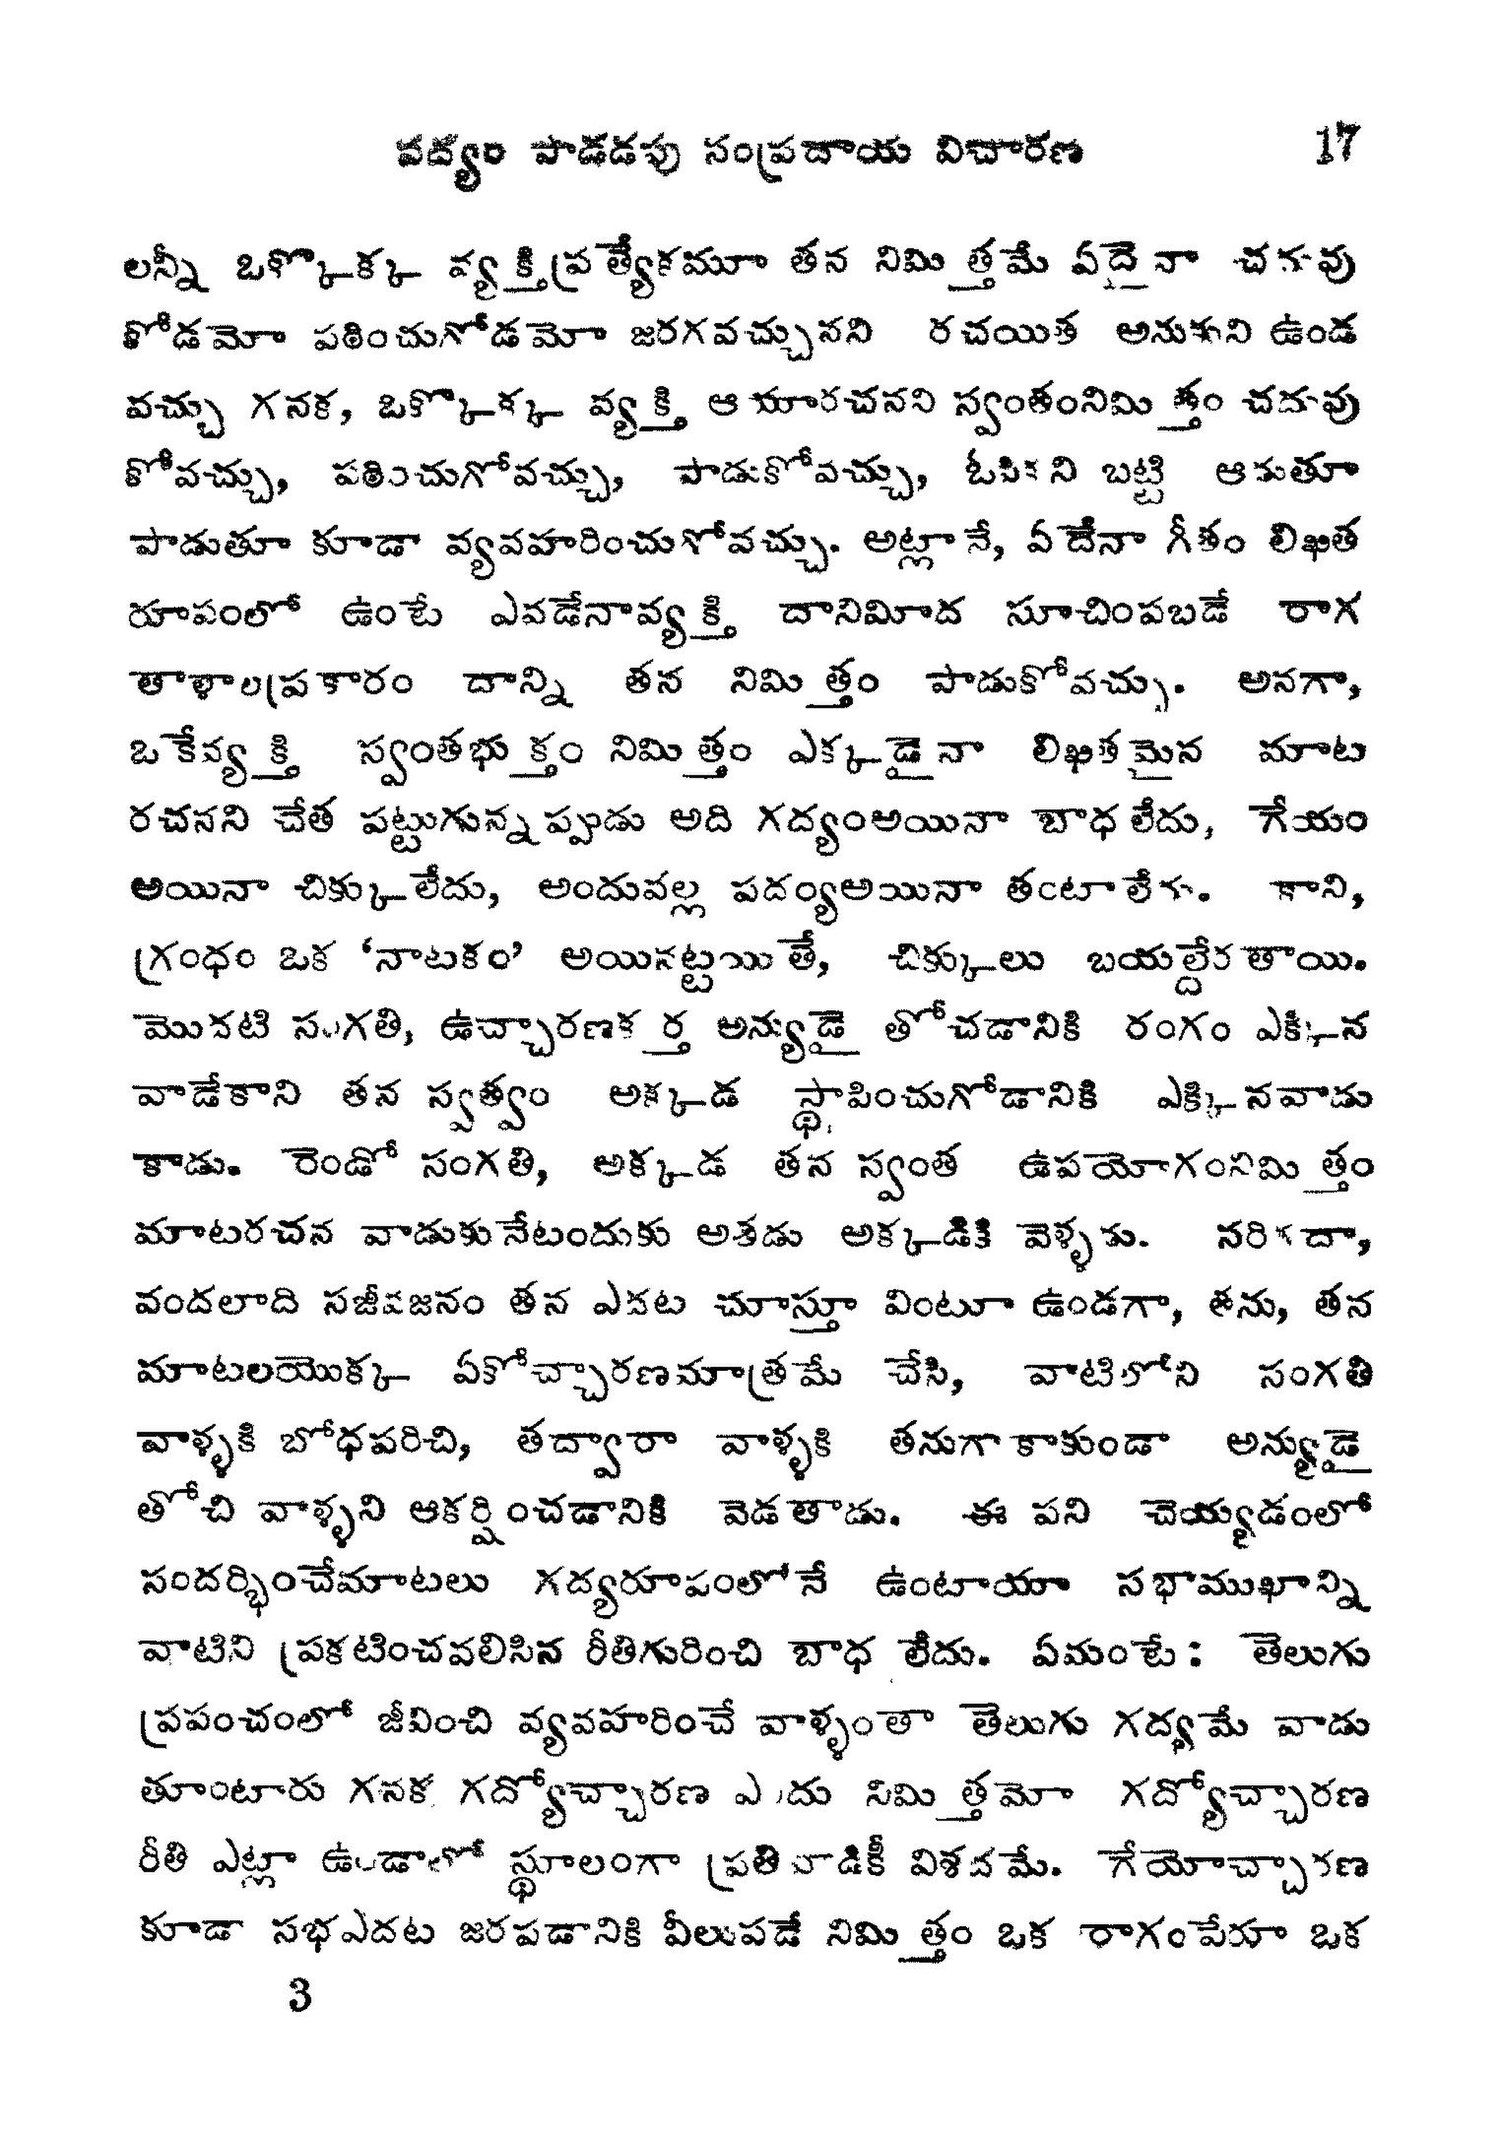లన్నీ ఒక్కొక్క వ్యక్తిప్రత్యేకమూ తన నిమిత్తమే ఏదైనా చదువు
కోడమో పఠించుగోడమో జరగవచ్చునని రచయిత అనుకుని ఉండ
వచ్చు గనక, ఒక్కొక్క వ్యక్తి ఆయారచనని స్వంతంనిమిత్తం చదువు
కోవచ్చు, పఠించుకోవచ్చు, పాడుకోవచ్చు, ఓపికని బట్టి ఆడుతూ
పాడుతూ కూడా వ్యవహరించుగోవచ్చు. అట్లానే, ఏదేనా గీతం లిఖిత
రూపంలో ఉంటే ఎవడేనావ్యక్తి దానిమీద సూచింపబడే రాగ
తాళాలప్రకారం దాన్ని తన నిమిత్తం పాడుకోవచ్చు. అనగా,
ఒకేవ్యక్తి స్వంతభుక్తం నిమిత్తం ఎక్కడైనా లిఖితమైన మాట
రచనని చేత పట్టుగున్నప్పుడు అది గద్యంఅయినా బాధలేదు, గేయం
అయినా చిక్కులేదు, అందువల్ల పదంఅయినా తంటాలేదు. కాని,
గ్రంధం ఒక 'నాటకం' అయినట్టయితే, చిక్కులు బయల్దేరతాయి.
మొదటి సంగతి, ఉచ్చారణకర్త అన్యుడై తోచడానికి రంగం ఎక్కిన
వాడేకాని తన స్వత్వం అక్కడ స్థాపించుగోడానికి ఎక్కినవాడు
కాడు. రెండో సంగతి, అక్కడ తన స్వంత ఉపయోగంనిమిత్తం
మాటరచన వాడుకునేటందుకు అతడు అక్కడికి వెళ్ళడు. సరికదా,
వందలాది సజీపజనం తన ఎదట చూస్తూ వింటూ ఉండగా, తను, తన
మాటలయొక్క ఏకోచ్చారణమాత్రమే చేసి, వాటిలోని సంగతి
వాళ్ళకి బోధపరిచి, తద్వారా వాళ్ళకి తనుగా కాకుండా అన్యుడై
తోచి వాళ్ళని ఆకర్షించడానికి వెడతాడు. ఈ పని చెయ్యడంలో
సందర్భించేమాటలు గద్యరూపంలోనే ఉంటాయా సభాముఖాన్ని
వాటిని ప్రకటించవలిసిన రీతిగురించి బాధ లేదు. ఏమంటే : తెలుగు
ప్రపంచంలో జీవించి వ్యవహరించే వాళ్ళంతా తెలుగు గద్యమే వాడు
తూంటారు గనక గద్యోచ్చారణ ఎందు నిమిత్తమో గద్యోచ్చారణ
రీతి ఎట్లా ఉండాలో స్థూలంగా ప్రతివాడికీ విశదమే. గేయోచ్చారణ
కూడా సభఎదట జరపడానికి వీలుపడే నిమిత్తం ఒక రాగంపేరూ ఒక